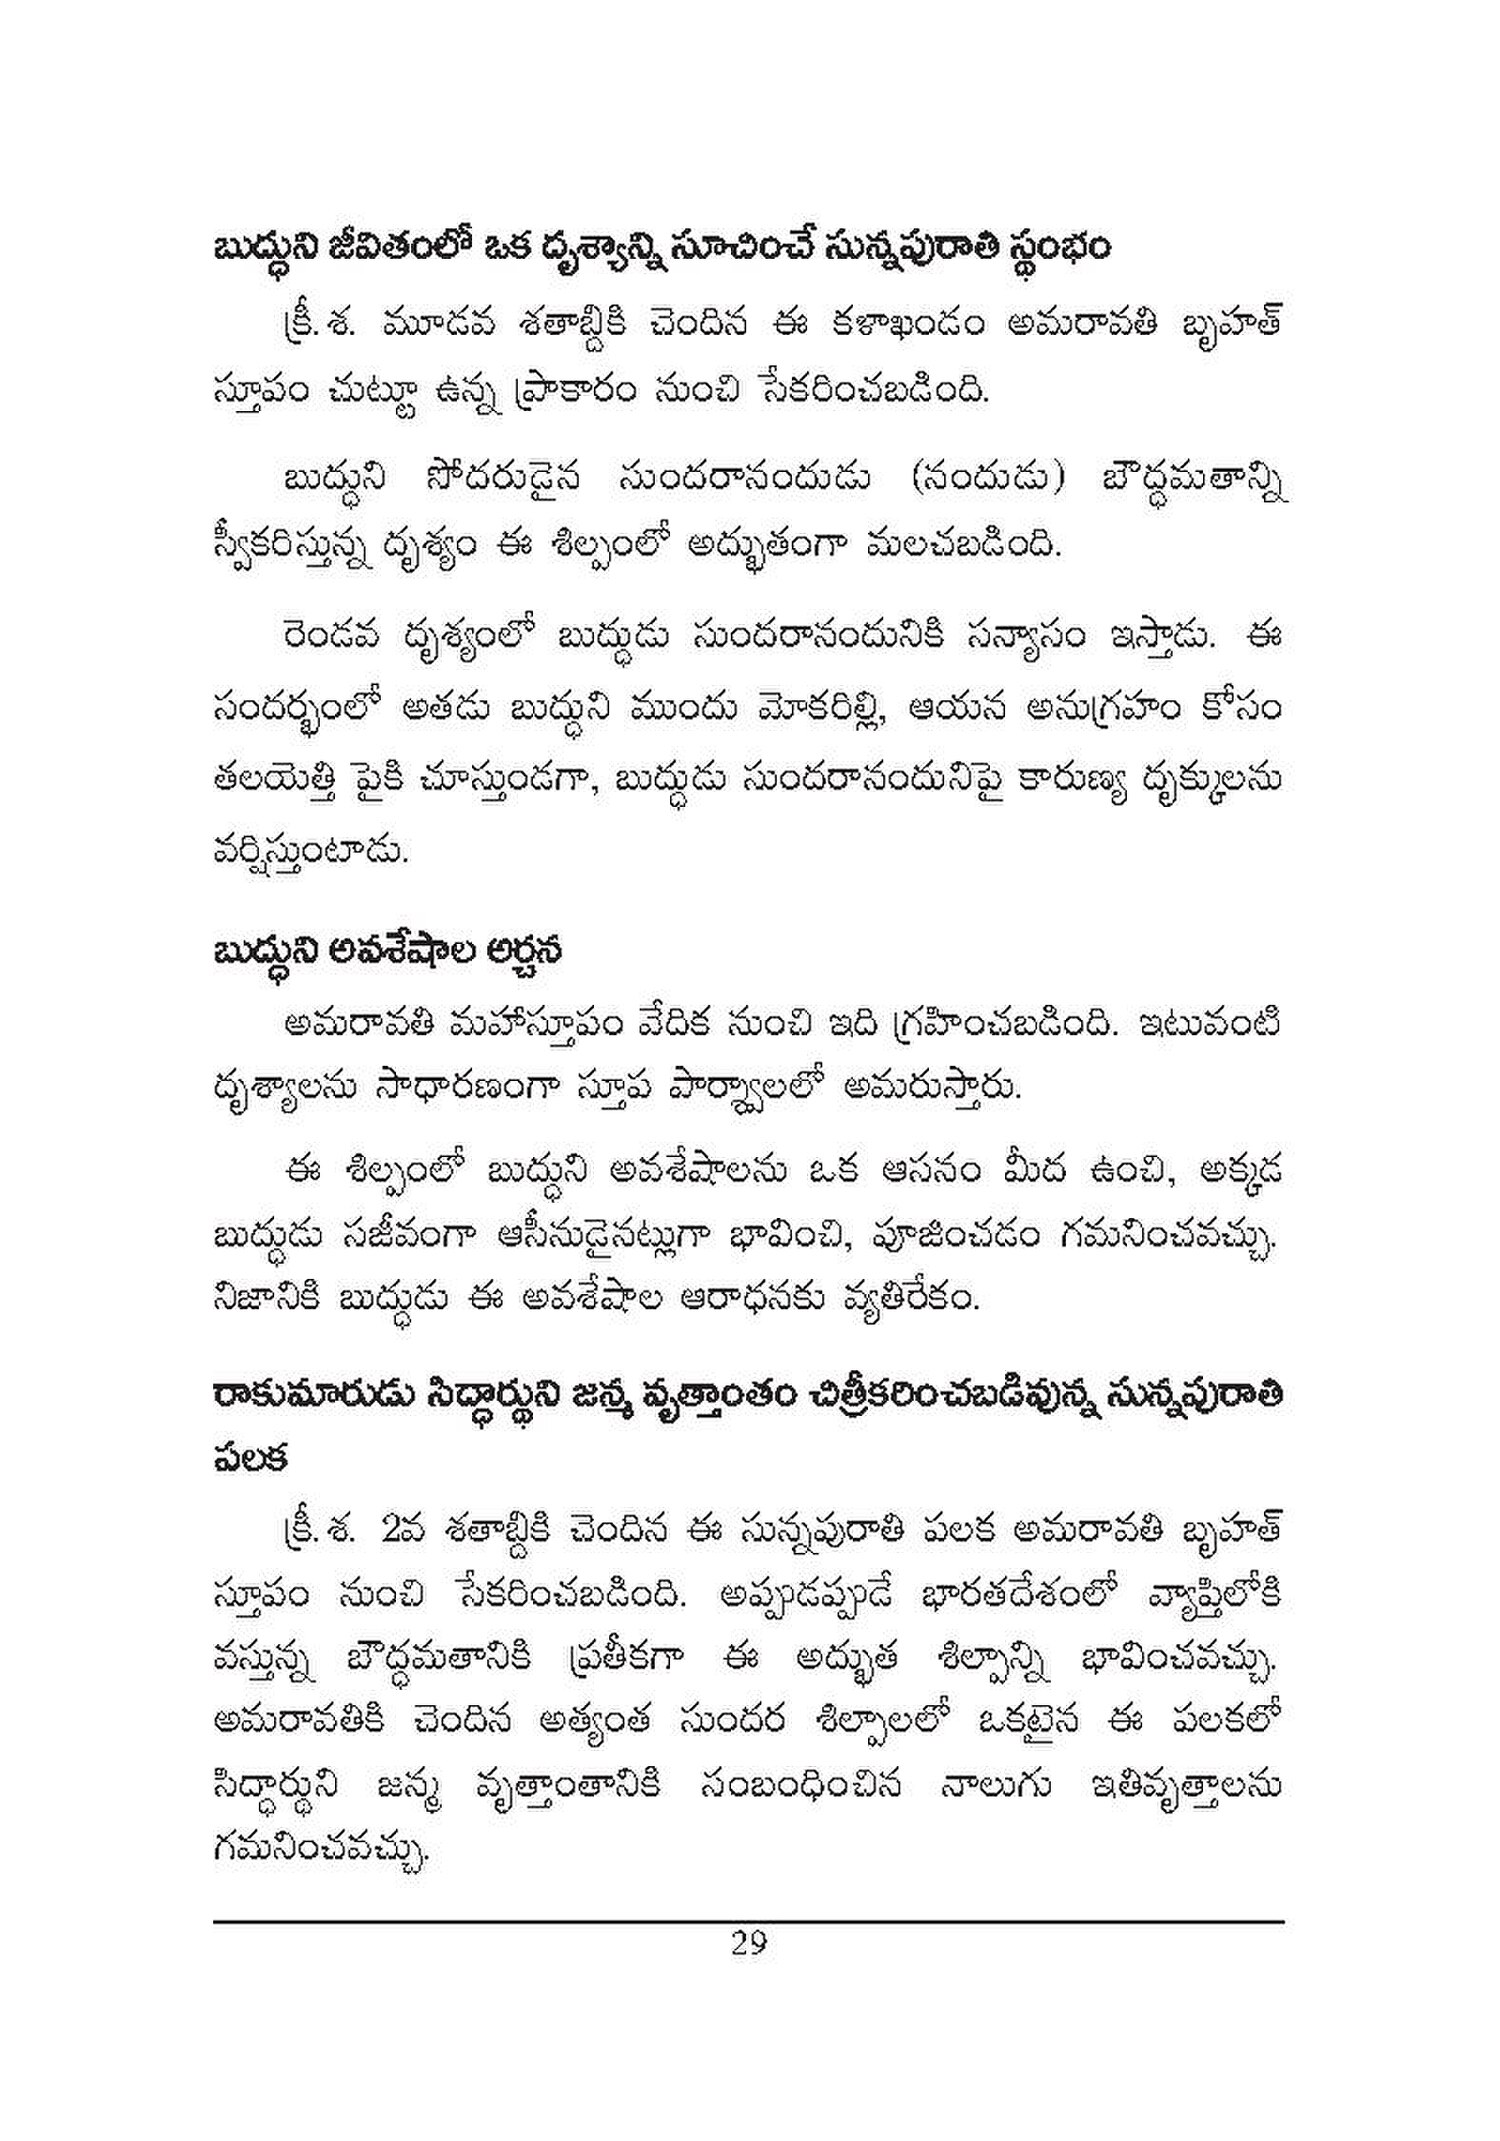బుద్ధుని జీవితంలో ఒక దృశ్యాన్నిసూచించే సున్నపురాతి స్థంభం

క్రీ.శ. మూడవ శతాబ్దికి చెందిన ఈ కళాఖండం అమరావతి బృహత్ స్తూపం చుట్టూ ఉన్న ప్రాకారం నుంచి సేకరించబడింది.

బుద్ధుని సోదరుడైన సుందరానందుడు (నందుడు) బౌద్ధమతాన్ని స్వీకరిస్తున్న దృశ్యం ఈ శిల్పంలో అద్భుతంగా మలచబడింది.

రెండవ దృశ్యంలో బుద్ధుడు సుందరానందునికి సన్యాసం ఇస్తాడు. ఈ సందర్భంలో అతడు బుద్దుని ముందు మోకరిల్లి, ఆయన అనుగ్రహం కోసం తలయెత్తి పైకి చూస్తుండగా, బుద్ధుడు సుందరానందునిపై కారుణ్య దృక్కులను వర్తిస్తుంటాడు.

బుద్ధుని అవశేషాల అర్చన

అమరావతి మహాస్తూపం వేదిక నుంచి ఇది గ్రహించబడింది. ఇటువంటి దృశ్యాలను సాధారణంగా స్తూప పార్శ్వాలలో అమరుస్తారు.

ఈ శిల్పంలో బుద్ధుని అవశేషాలను ఒక ఆసనం మీద ఉంచి, అక్కడ బుద్ధుడు సజీవంగా ఆసీనుడైనట్లుగా భావించి, పూజించడం గమనించవచ్చు. నిజానికి బుద్ధుడు ఈ అవశేషాల ఆరాధనకు వ్యతిరేకం.

రాకుమారుడు సిద్ధార్థుని జన్మవృత్తాంతం చిత్రీకరించబడివున్న సున్నపురాతి పలక

క్రీ.శ. 2వ శతాబ్దికి చెందిన ఈ సున్నపురాతి పలక అమరావతి బృహత్ స్తూపం నుంచి సేకరించబడింది. అప్పడప్పడే భారతదేశంలో వ్యాప్తిలోకి వస్తున్న బౌద్ధమతానికి ప్రతీకగా ఈ అద్భుత శిల్పాన్ని భావించవచ్చు అమరావతికి చెందిన అత్యంత సుందర శిల్పాలలో ఒకటైన ఈ పలకలో సిద్ధార్ధుని జన్మ వృత్తాంతానికి సంబంధించిన నాలుగు ఇతివృత్తాలను గమనించవచ్చు.